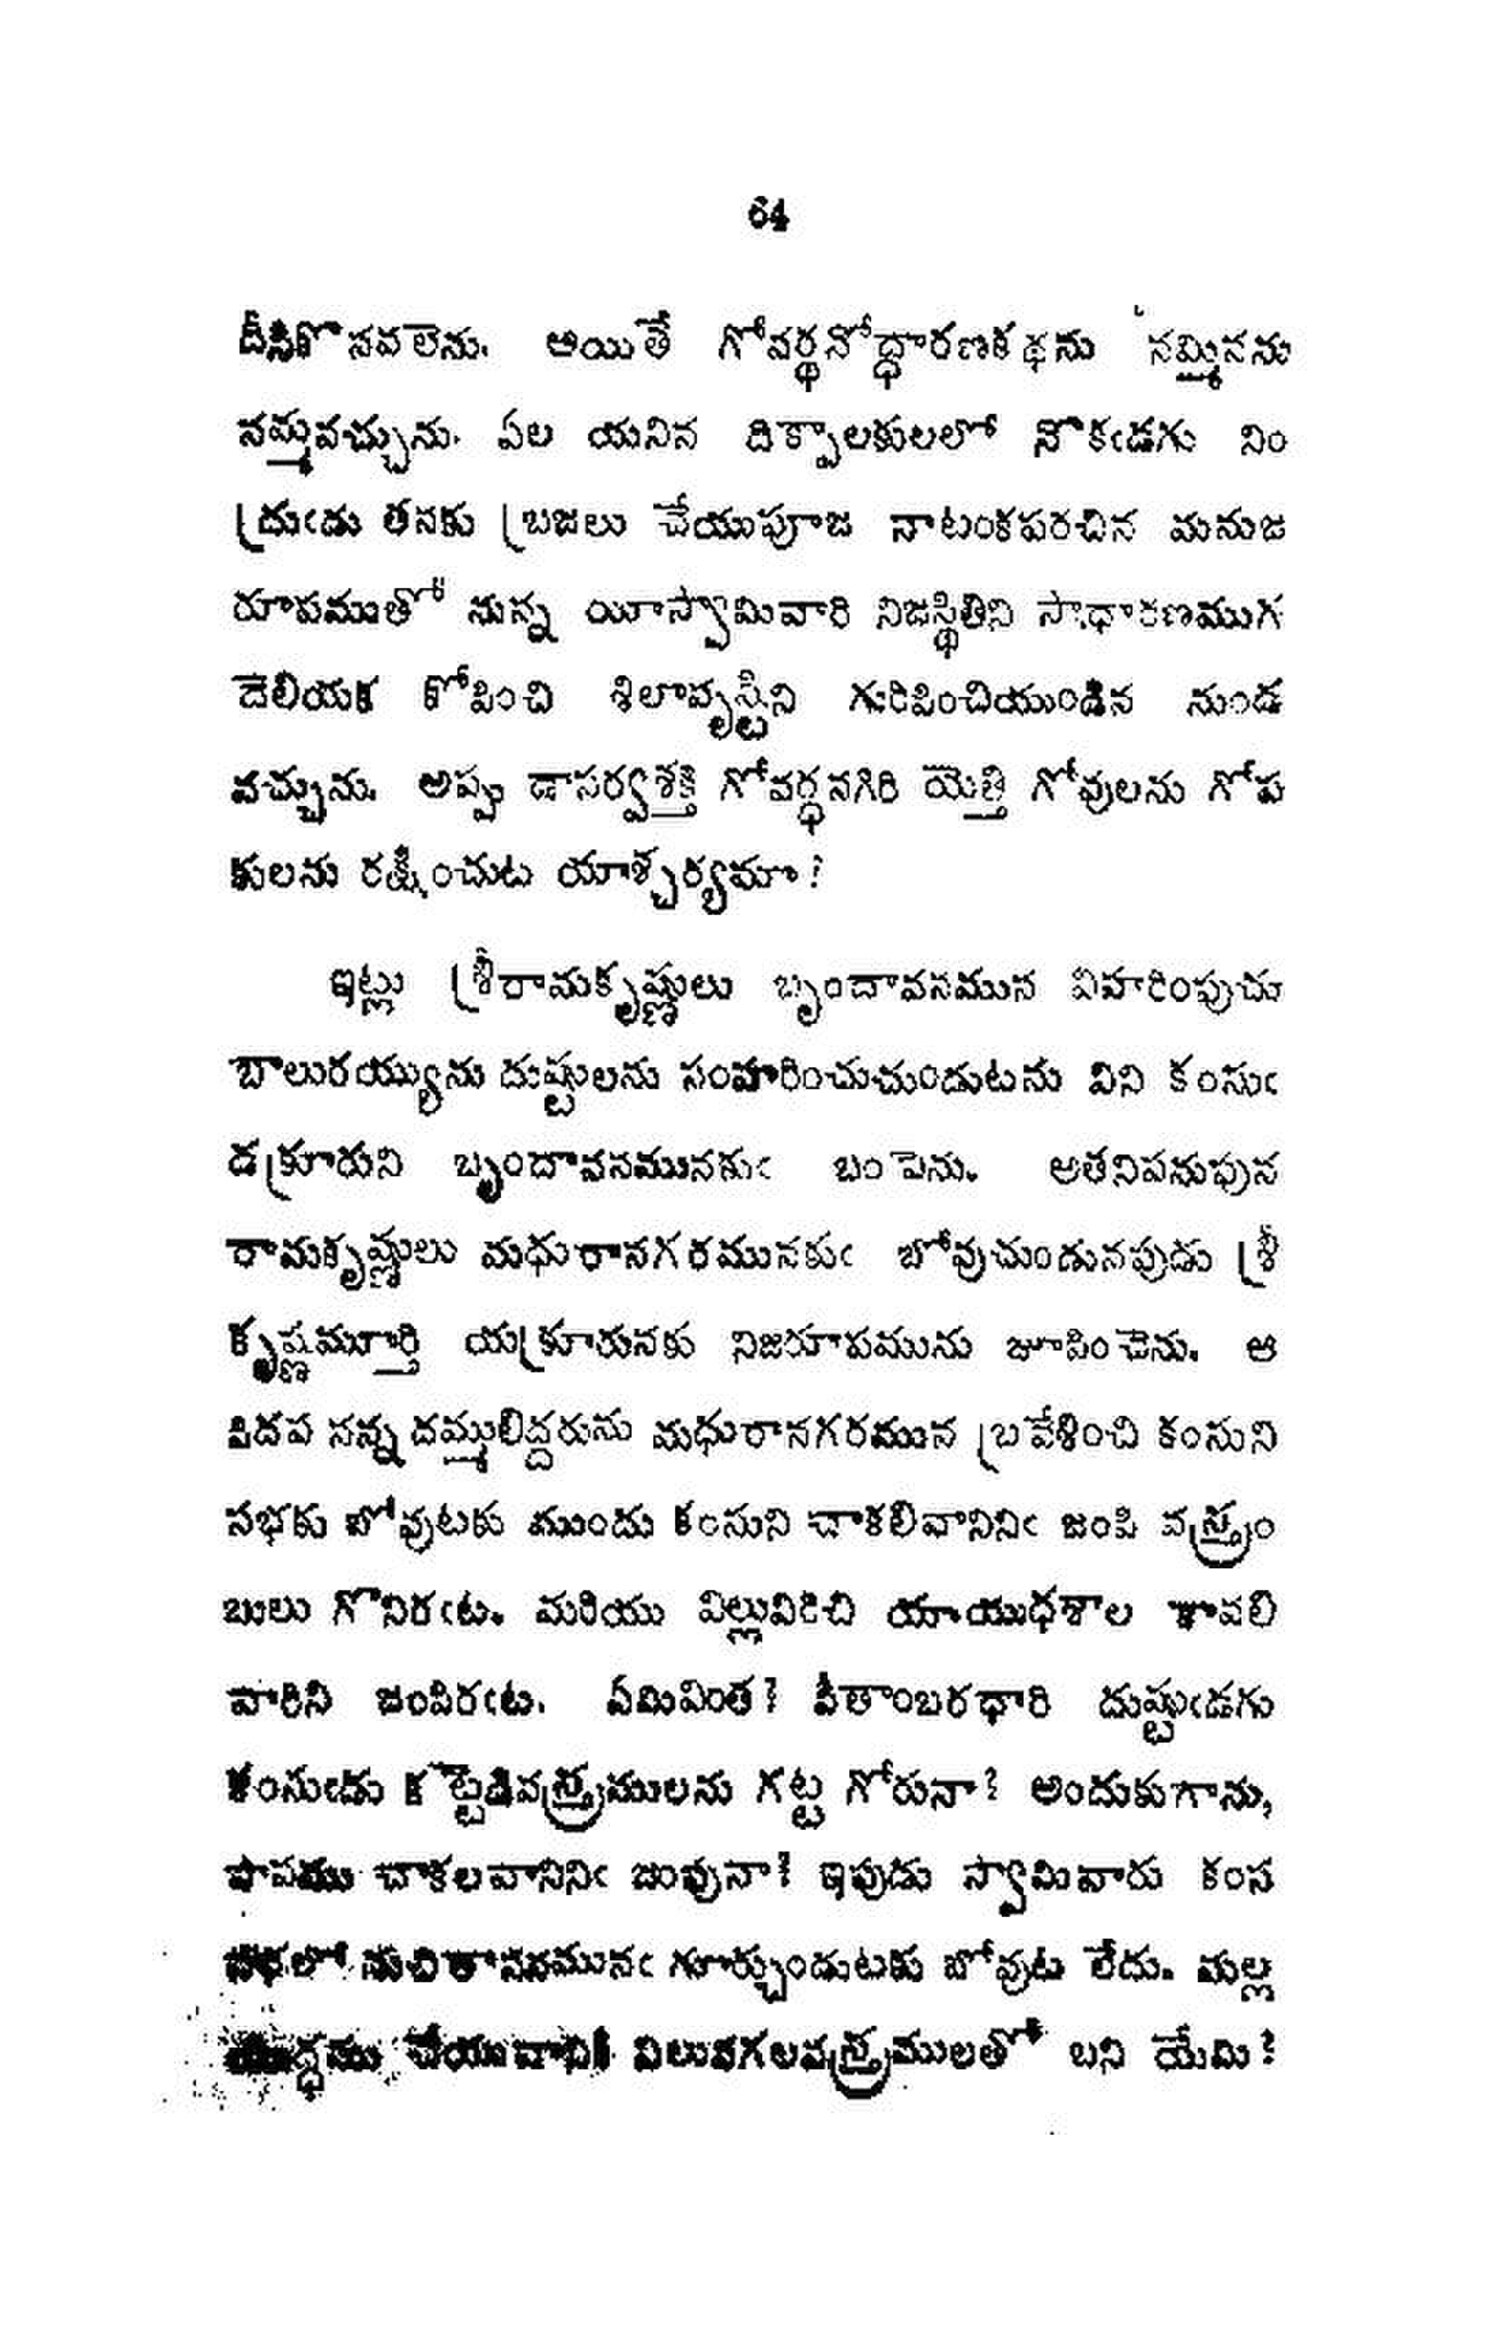దీసికొనవలెను. అయితే గోవర్థనోద్ధారణకథను నమ్మినను నమ్మవచ్చును. ఏల యనిన దిక్పాలకులలో నొకఁడగు నింద్రుఁడు తనకు బ్రజలు చేయుపూజ నాటంకపరచిన మనుజ రూపముతో నున్న యీస్వామివారి నిజస్థితిని సాధారణముగ దెలియక కోపించి శిలావృష్టిని గురిపించియుండిన నుండ
వచ్చును. అప్పు డాసర్వశక్తి గోవర్ధనగిరి యెత్తి గోవులను గోపకులను రక్షించుట యాశ్చర్యమా?

ఇట్లు శ్రీరామకృష్ణులు బృందావనమున విహరింపుచు బాలురయ్యును దుష్టులను సంహరించుచుండుటను విని కంసుఁ డక్రూరుని బృందావనమునకుఁ బంపెను. అతనిపనుపున
రామకృష్ణులు మధురానగరమునకుఁ బోవుచుండునపుడు శ్రీకృష్ణమూర్తి యక్రూరునకు నిజరూపమును జూపించెను. ఆ పిదప నన్నదమ్ములిద్దరును మధురానగరమున బ్రవేశించి కంసుని
సభకు బోవుటకు ముందు కంసుని చాకలివానినిఁ జంపి వస్త్రంబులు గొనిరఁట. మరియు విల్లువిరిచి యాయుధశాల కావలి వారిని జంపిరఁట. ఏమివింత ? పీతాంబరధారి దుష్టుఁడగు కంసుఁడు కట్టెడివస్త్రములను గట్ట గోరునా ? అందుకుగాను, పాపము చాకలవానినిఁ జంవునా ! ఇపుడు స్వామివారు కంస సభలో నుచితాసనమునఁ గూర్చుండుటకు బోవుట లేదు. మల్ల యుద్ధము చేయువానికి విలువగలవస్త్రములతో బని యేమి ?